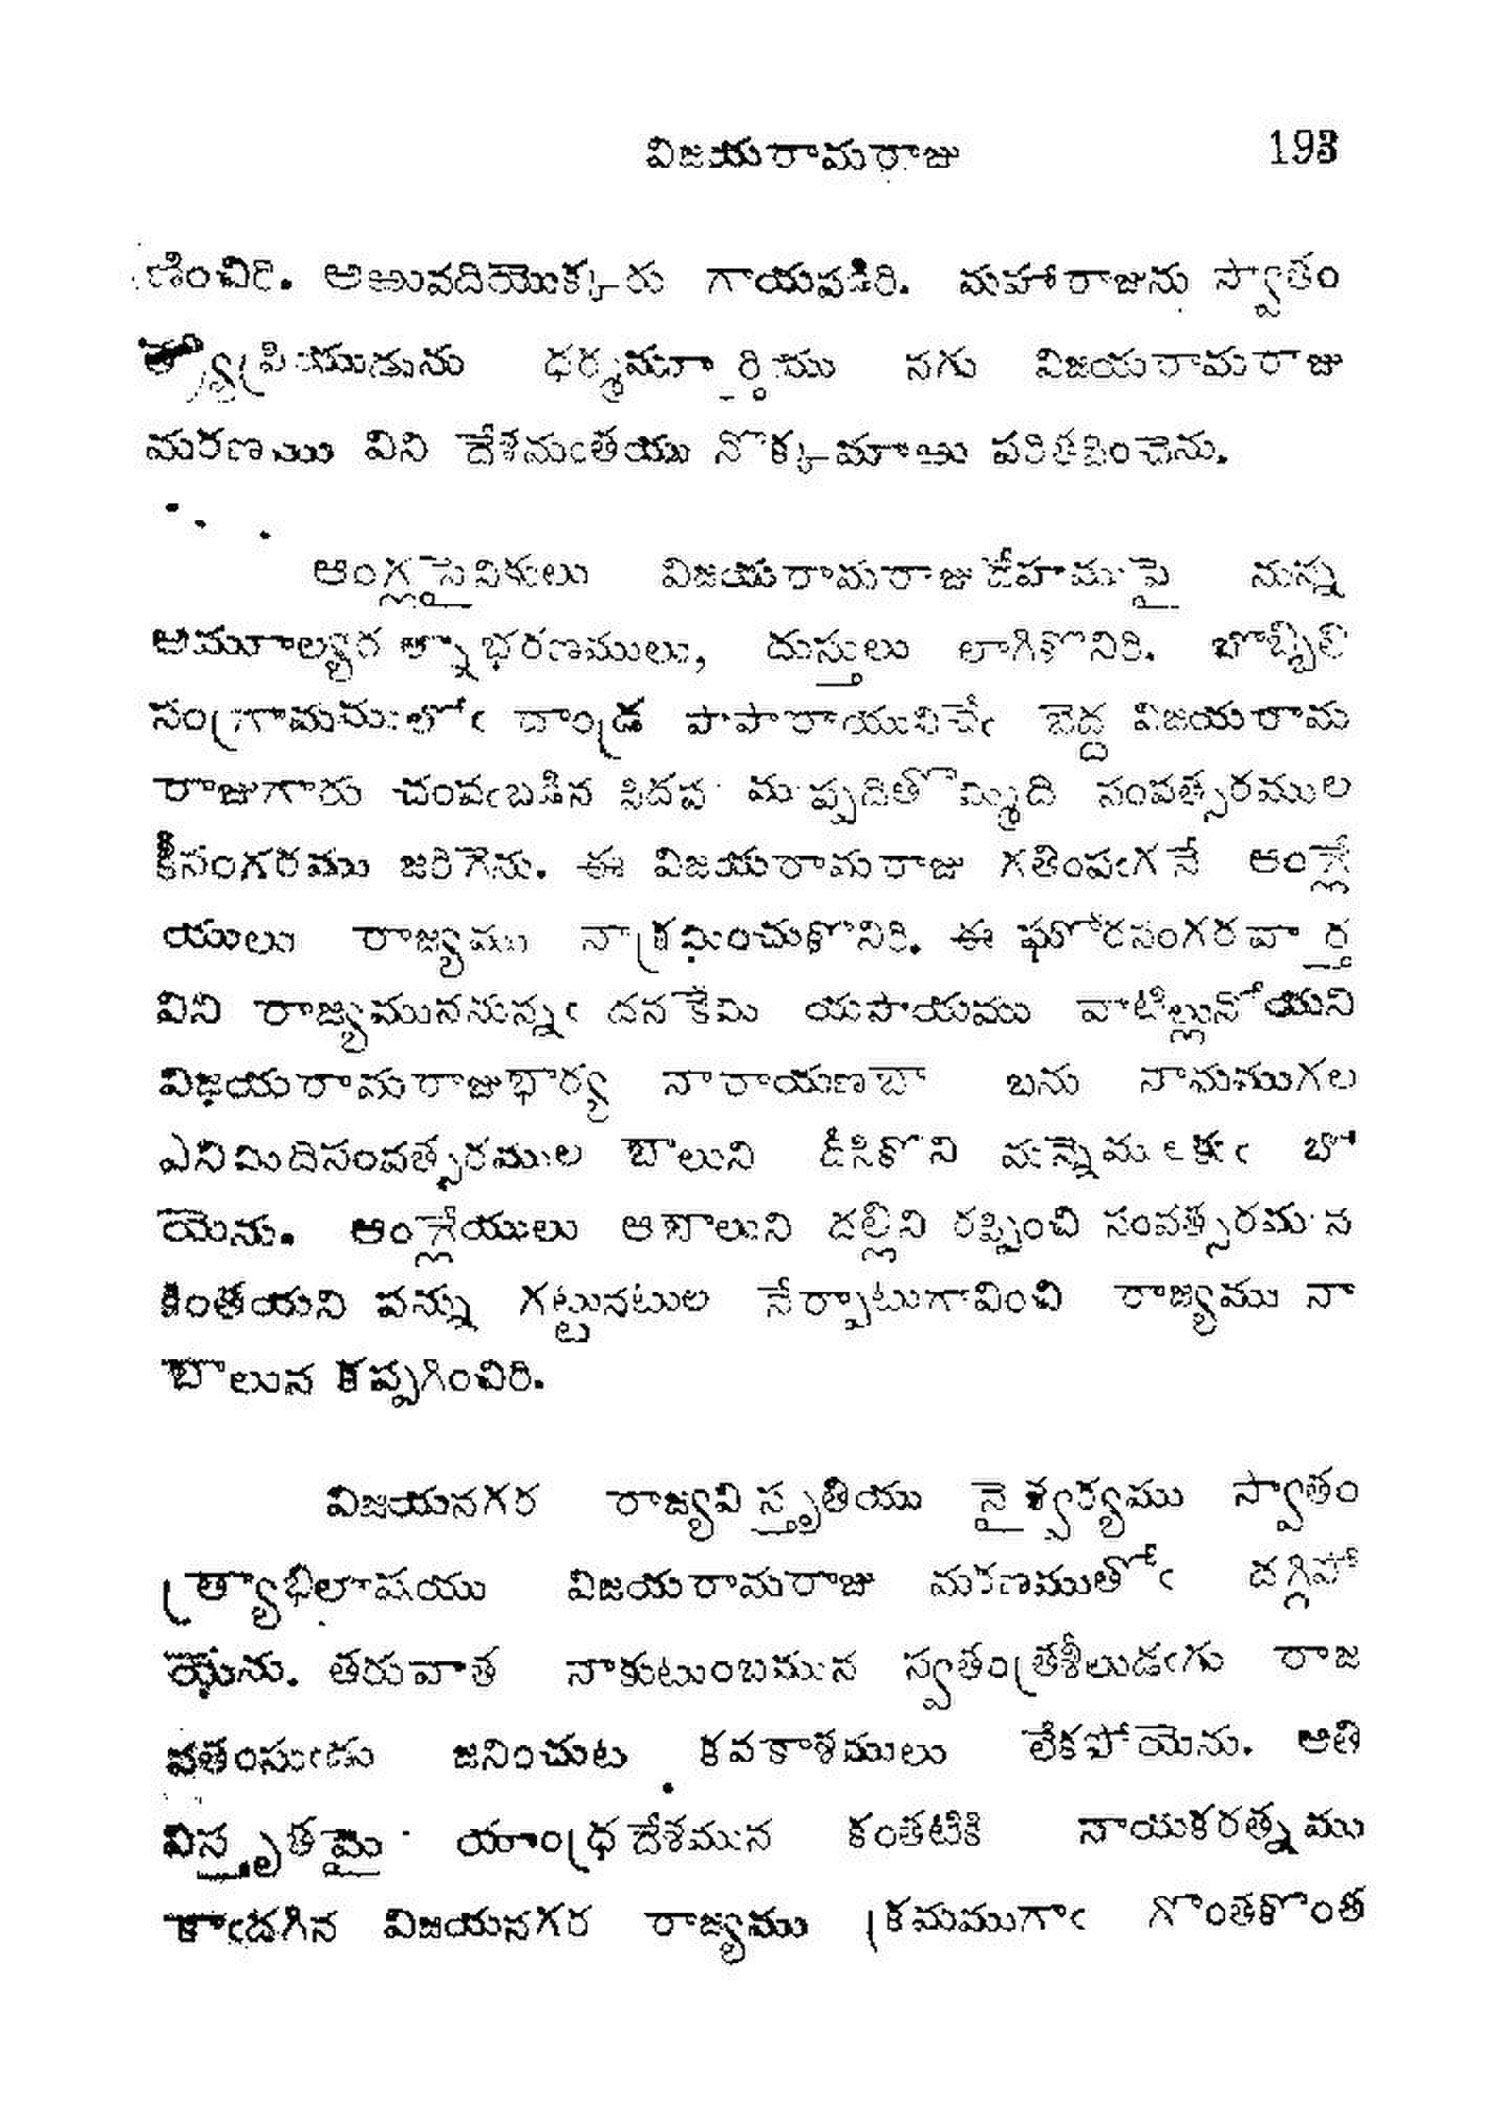ణించిరి. అఱువదియొక్కరు గాయపడిరి. మహారాజును స్వాతంత్ర్యప్రియుడును ధర్మమూర్తియు నగు విజయరామరాజు మరణము విని దేశమంతయు నొక్కమాఱు పరితపించెను.

ఆంగ్లసైనికులు విజయరామరాజు దేహముపై నున్న అమూల్యరత్నాభరణములు, దుస్తులు లాగికొనిరి. బొబ్బిలి సంగ్రామములో దాండ్ర పాపారాయునిచే బెద్ద విజయరామరాజుగారు చంపబడిన పిదప ముప్పది తొమ్మిది సంవత్సరముల కీసంగరము జరిగెను. ఈ విజయరామరాజు గతింపగనే ఆంగ్లేయులు రాజ్యము నాక్రమించుకొనిరి. ఈ ఘోరసంగరవార్తవిని రాజ్యమున నున్న దనకేమి యపాయము వాటిల్లు నోయని విజయరామరాజుభార్య నారయణ బాబను నామముగల ఎనిమిది సంవత్సరముల బాలుని దీసికొని మన్నెములకు బోయెను. ఆంగ్లేయులు ఆబాలుని దల్లిని రప్పించి సంవత్సరమున కింతయని పన్ను గట్టునటుల నేర్పాటుగావించి రాజ్యము నాబాలున కప్పగించిరి.

విజయనగర రాజ్య విస్తృతియు నైశ్వర్యము స్వాతంత్ర్యాభిలాషయు విజయరామరాజు మరణముతో దగ్గిపోయెను. తరువాత నాకుటుంబమున స్వతంత్ర శీలుడగు రాజవతంసుడు జనించుట కవకాశములు లేక పోయెను. అతి విస్తృతమై యాంధ్రదేశమున కంతటికి నాయకరత్నము కాదగిన విజయనగర రాజ్యము క్రమముగా గొంతకొంత